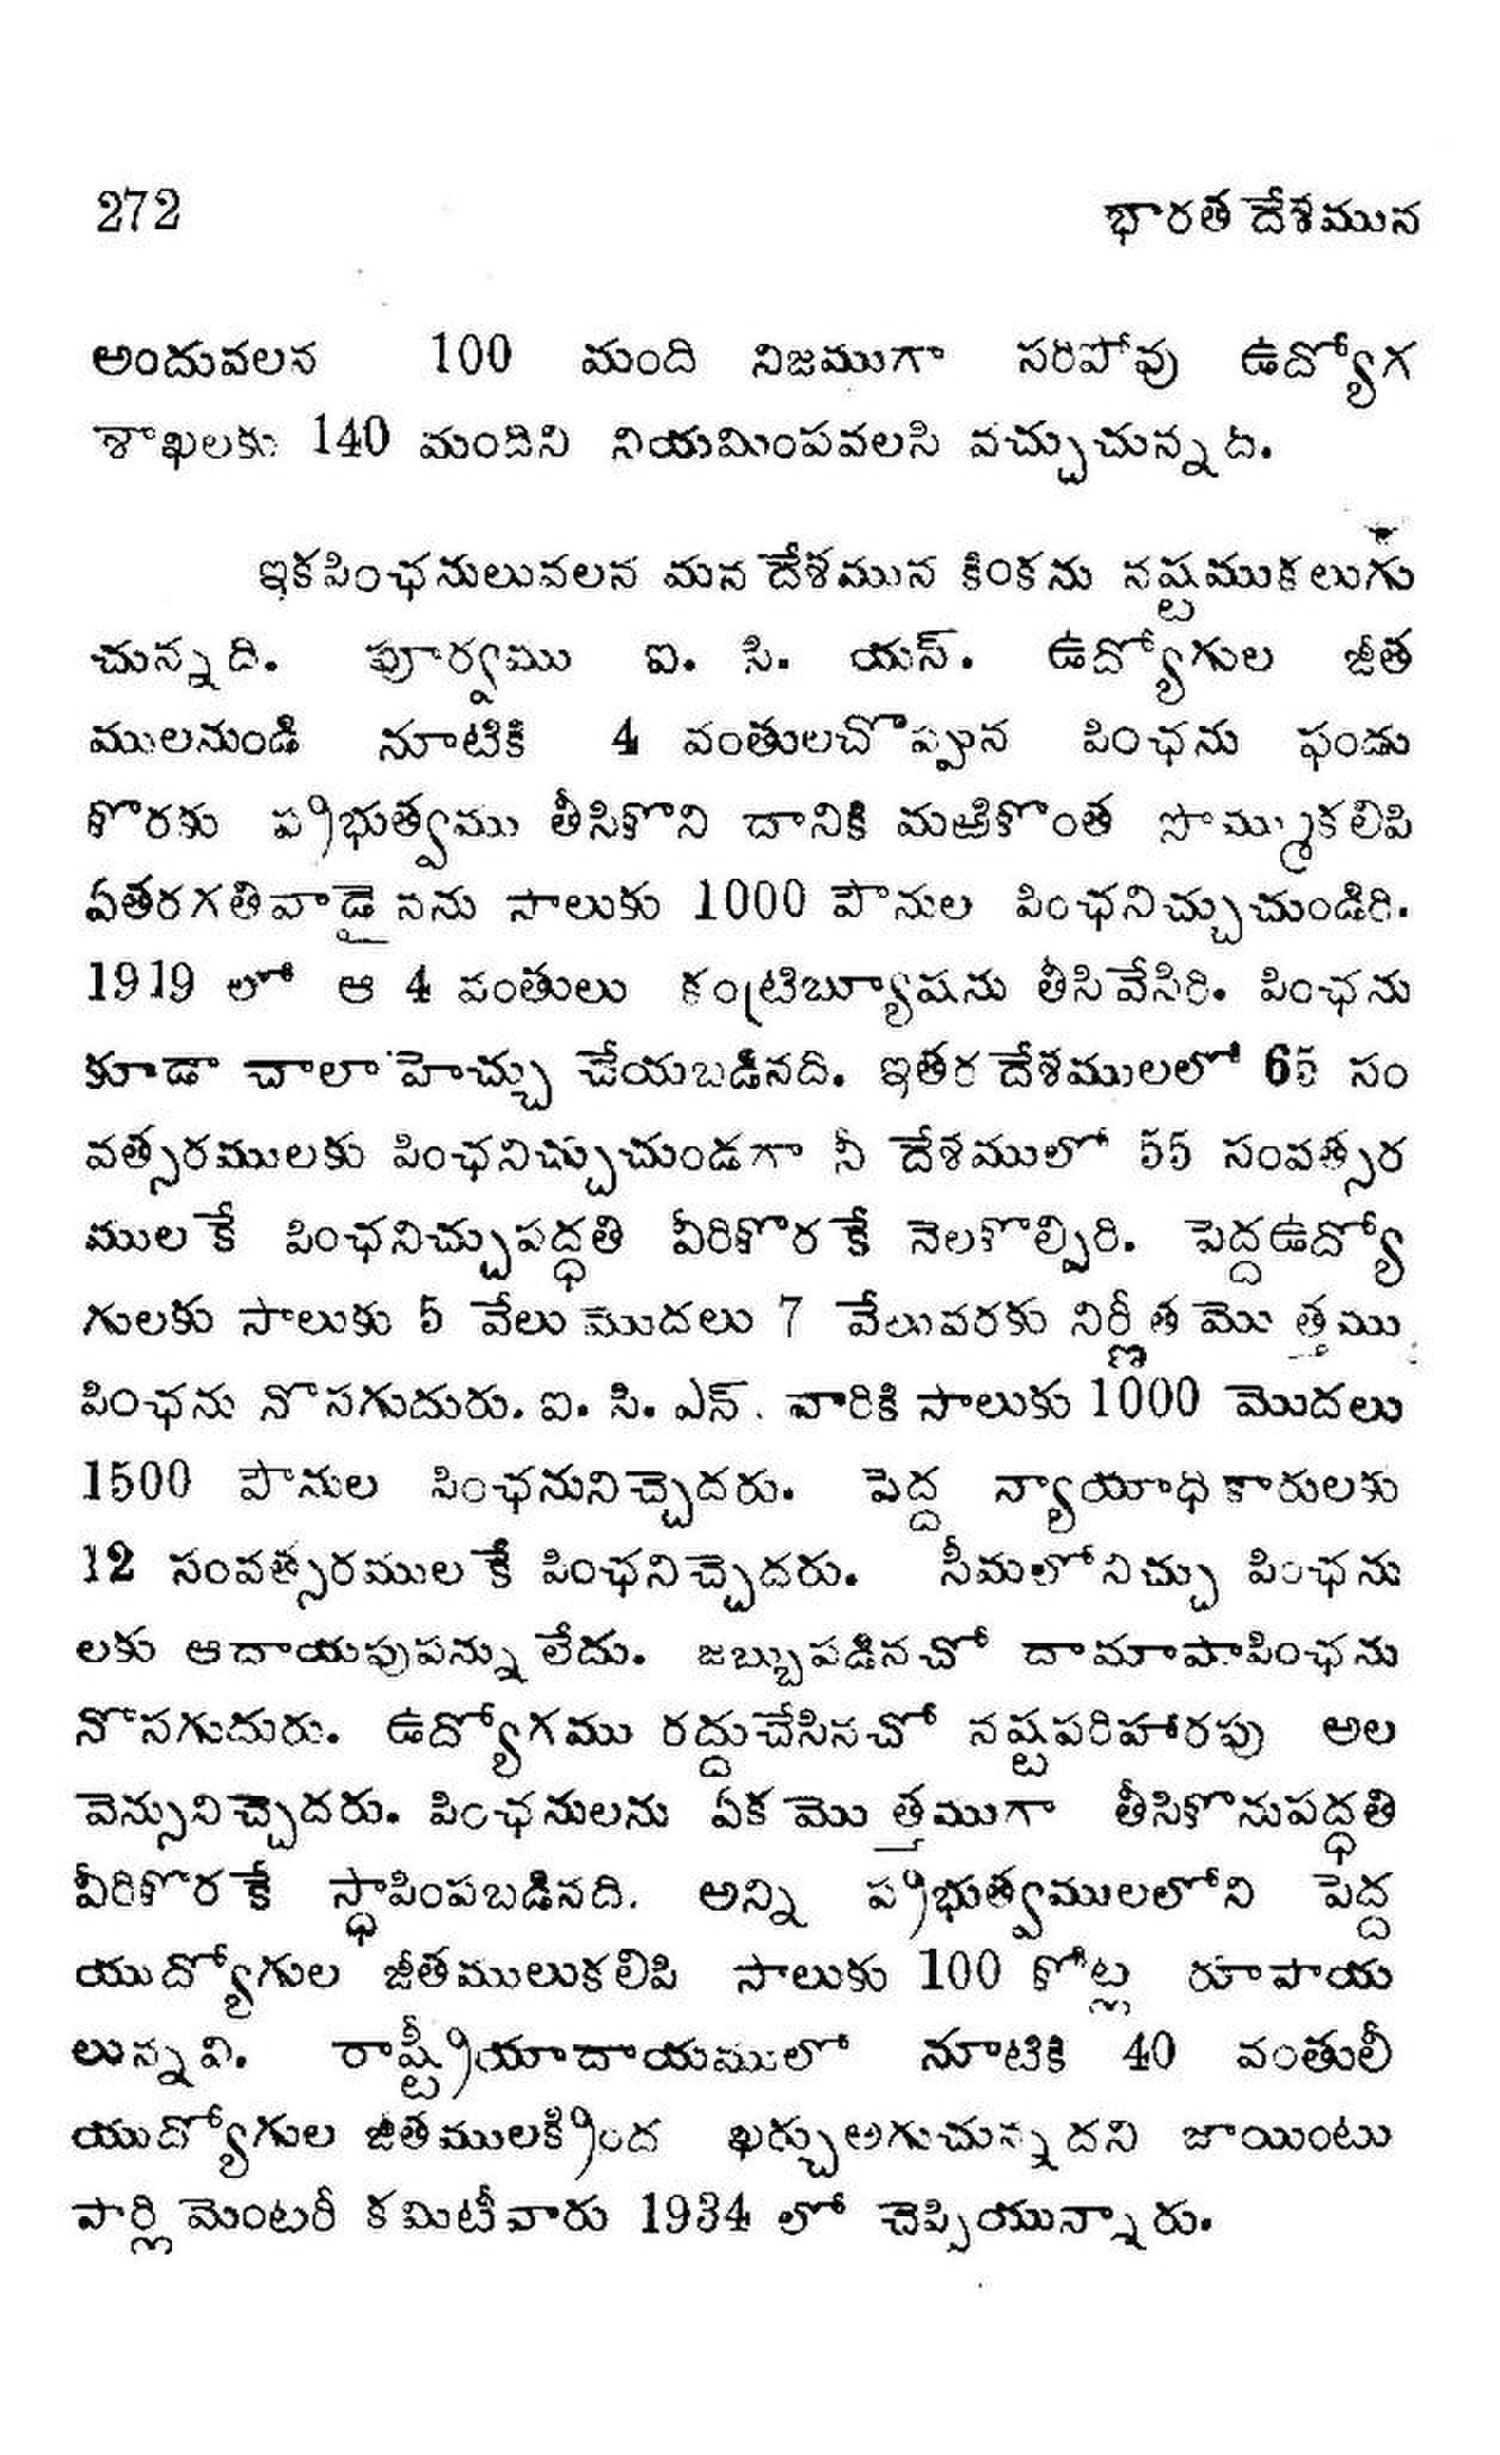అందువలన 100 మంది నిజముగా సరిపోవు ఉద్యోగశాఖలకు: 140 మందిని నియమింపవలసి వచ్చుచున్నది.

ఇకపింఛనులువలన మనదేశమున కింకను నష్టముకలుగుచున్నది. పూర్వము ఐ. సి. యస్. ఉద్యోగుల జీతములనుండి నూటికి 4 వంతులచొప్పున పింఛను ఫండు కొరకు ప్రభుత్వము తీసికొని దానికి మఱికొంత సొమ్ముకలిపి ఏతరగతివాడైనను సాలుకు 1000 పౌనుల పింఛనిచ్చుచుండిరి. 1919 లో ఆ 4 వంతులు కంట్రిబ్యూషను తీసివేసిరి. పింఛను కూడా చాలా హెచ్చు చేయబడినది. ఇతర దేశములలో 65 సంవత్సరములకు పింఛనిచ్చుచుండగా నీ దేశములో 55 సంవత్సరములకే పింఛనిచ్చుపద్ధతి వీరికొరకే నెలకొల్పిరి. పెద్ద ఉద్యోగులకు సాలుకు 5 వేలు మొదలు 7 వేలు వరకు నిర్ణీతమొత్తము పింఛను నొసగుదురు. ఐ. సి. ఎస్. వారికి సాలుకు 1000 మొదలు 1500 పౌనుల పింఛనునిచ్చెదరు. పెద్ద న్యాయాధికారులకు 12 సంవత్సరముల కే పింఛనిచ్చెదరు. సీమలోనిచ్చు పింఛనులకు ఆదాయపుపన్ను లేదు. జబ్బుపడినచో దామాషాపింఛను నొసగుదురు. ఉద్యోగము రద్దుచేసినచో నష్టపరిహారపు అలవెన్సునిచ్చెదరు. పింఛనులను ఏక మొత్తముగా తీసికొనుపద్ధతి వీరికొరకే స్థాపింపబడినది. అన్ని ప్రభుత్వములలోని పెద్ద యుద్యోగుల జీతములుకలిపి సాలుకు 100 కోట్ల రూపాయ లున్నవి. రాష్ట్రీయాదాయములో నూటికి 40 వంతులీ యుద్యోగుల జీతములక్రింద ఖర్చుఅగుచున్నదని జాయింటు పొర్లిమెంటరీ కమిటీవారు 1934 లో చెప్పియున్నారు.